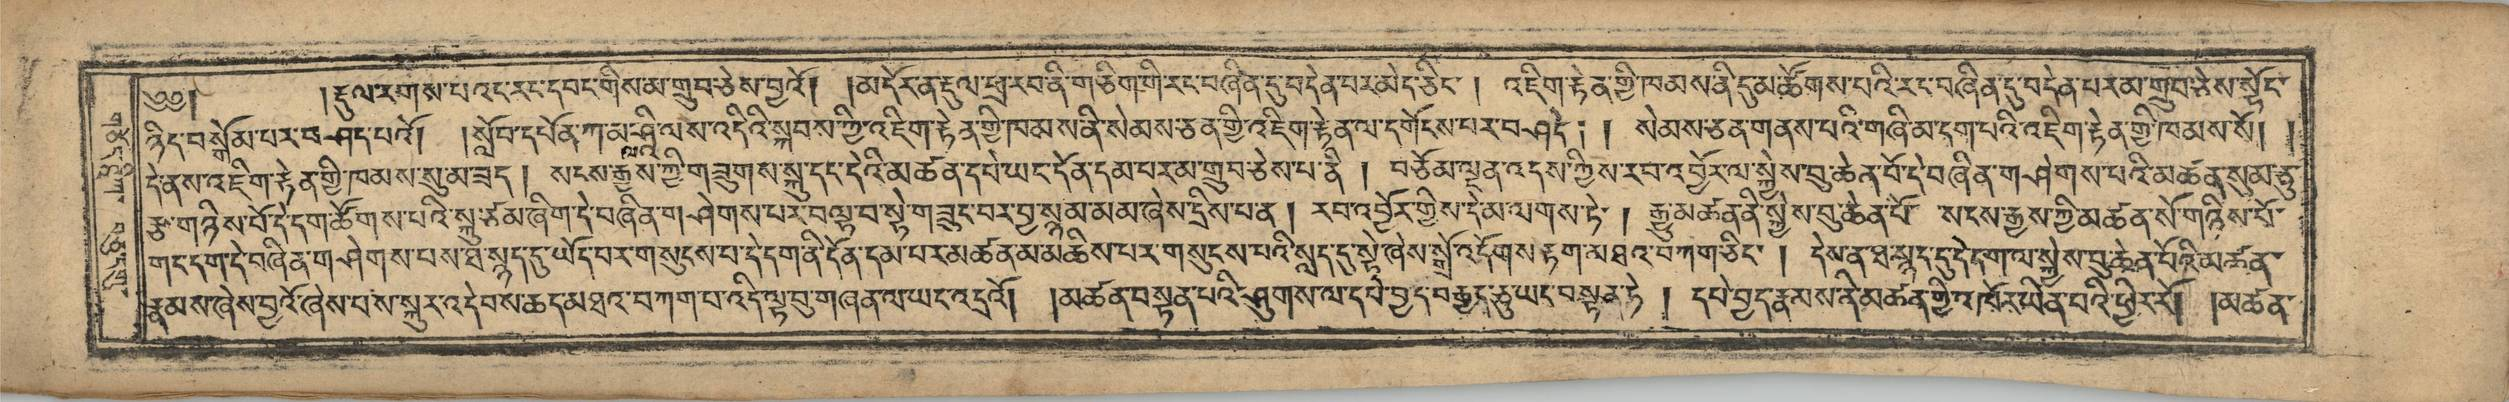༄༅། །རྡུལ་རགས་པའང་རང་དབང་གིས་མ་གྲུབ་ཅེས་བྱའོ། །མདོར་ན་རྡུལ་ཕྲ་རབ་ནི་གཅིག་གི་རང་བཞིན་དུ་བདེན་པར་མེད་ཅིང་། འཇིག་རྟེན་གྱི་ཁམས་ནི་དུ་མ་ཚོགས་པའི་རང་བཞིན་དུ་བདེན་པར་མ་གྲུབ་ཅེས་སྟོང་
ཉིད་བསྒོམ་པར་བཤད་པའོ། །སློབ་དཔོན་ཀ་མ་ཤཱི་ལས་འདིའི་སྐབས་ཀྱི་འཇིག་རྟེན་གྱི་ཁམས་ནི་སེམས་ཅན་གྱི་འཇིག་རྟེན་ལ་དགོངས་པར་བཤད། སེམས་ཅན་གནས་པའི་གཞི་མ་དག་པའི་འཇིག་རྟེན་གྱི་ཁམས་སོ། །
དེ་ནས་འཇིག་རྟེན་གྱི་ཁམས་སུ་མ་ཟད། སངས་རྒྱས་ཀྱི་གཟུགས་སྐུ་དང་དེའི་མཚན་དཔེ་ཡང་དོན་དམ་པར་མ་གྲུབ་ཅེས་པ་ནི། བཅོམ་ལྡན་འདས་ཀྱིས་རབ་འབྱོར་ལ་སྐྱེས་བུ་ཆེན་པོ་དེ་བཞིན་གཤེགས་པའི་མཚན་སུམ་ཅུ་
རྩ་གཉིས་པོ་དེ་དག་ཚོགས་པའི་སྐུ་ཙམ་ཞིག་དེ་བཞིན་གཤེགས་པར་བལྟ་བ་སྟེ་གཟུང་བར་བྱ་སྙམ་མམ་ཞེས་དྲིས་པ་ན། རབ་འབྱོར་གྱིས་དེ་མ་ལགས་ཏེ། རྒྱུ་མཚན་ནི་སྐྱེས་བུ་ཆེན་པོས་སངས་རྒྱས་ཀྱི་མཚན་སོ་གཉིས་པོ་
གང་དག་དེ་བཞིན་གཤེགས་པས་ཐ་སྙད་དུ་ཡོད་པར་གསུངས་པ་དེ་དག་ནི་དོན་དམ་པར་མཚན་མ་མཆིས་པར་གསུངས་བའི་སླད་དུ་སྟེ་ཞེས་སྒྲོ་འདོགས་རྟག་མཐའ་བཀག་ཅིང་། དེས་ན་ཐ་སྙད་དུ་དེ་དག་ལ་སྐྱེས་བུ་ཆེན་པོའི་མཚན་
རྣམས་ཞེས་བྱའོ་ཞེས་པས་སྐུར་འདེབས་ཆད་མཐའ་བཀག་བ་འདི་ལྟ་བུ་གཞན་ལ་ཡང་འདྲའོ། །མཚན་བསྟན་པའི་ཤུགས་ལ་དཔེ་བྱད་བརྒྱད་ཅུ་ཡང་བསྟན་ཏེ། དཔེ་བྱད་རྣམས་ནི་མཚན་གྱི་འཁོར་ཡིན་པའི་ཕྱིར་རོ། །མཚན་